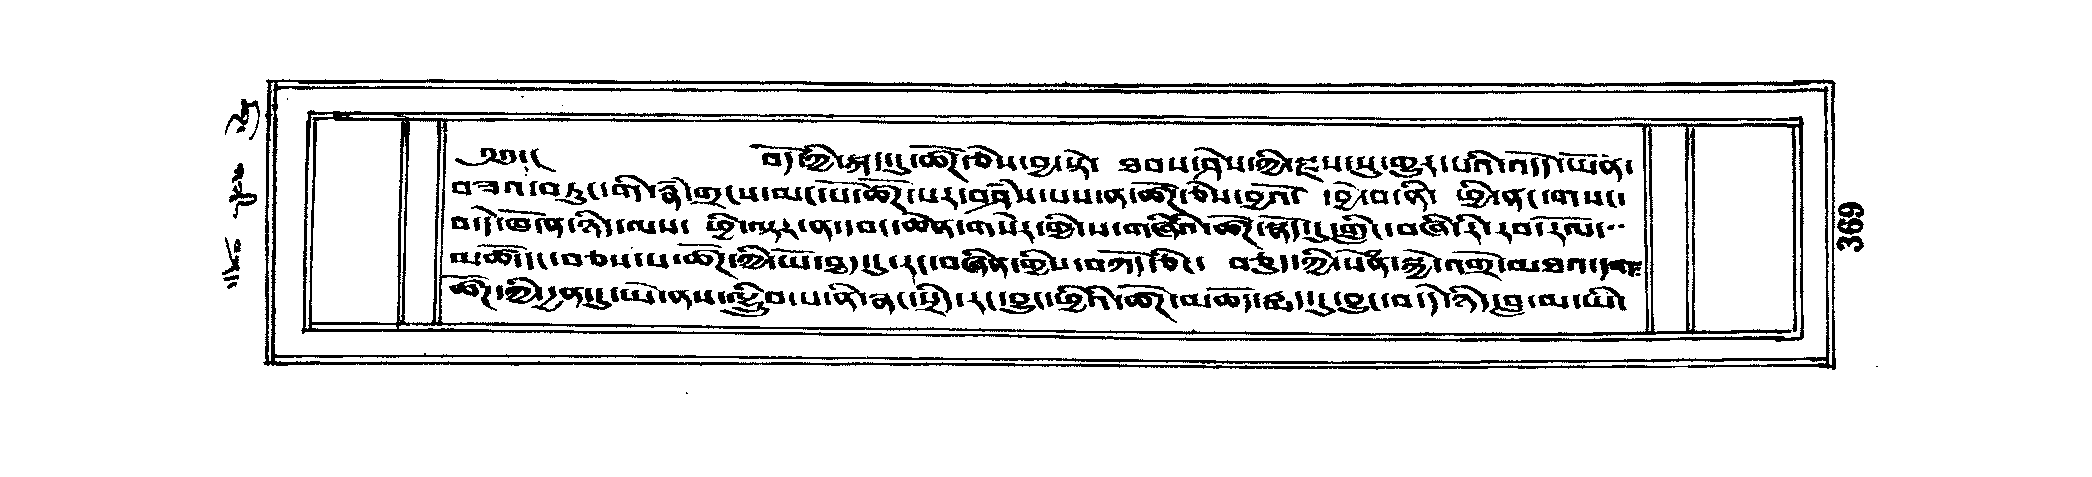བོད་སྐད་དུ་ཚོགས་ཅེས་བྱ་སྟེ། ཐབས་ཤེས་ཀྱི་རྫས་སུ་གྱུར་པའི་འདོད་ཡོན་
བཟའ་བཏུང་གི་རྣམ་གྲངས་མང་པོ་ཚོགས་པར་བཤམས་པས་ན་ཚོགས་ཅེས་བྱའོ། དབྱེ་བ་ནི། ཕྱི་ནང་གསང་
བ་དེ་ཁོ་ན་ཉིད་ལས། ཕྱི་ལྟར་ན་དབང་ཆེན་གསེར་གྱི་ས་གཞིའི་ཚོགས་སྣོད་དུ་གླིང་བཞི་རི་རབ་རོལ་
མཚོ་དང་བཅས་པ་ཚོགས་ཀྱི་ཡོ་བྱད་དུ་རང་བཞིན་གྱིས་བཀོད་ཅིང་། བཅུད་ཀྱི་སེམས་ཅན་སྐྱེ་འགྲོ་མཐའ་དག་
ཚོགས་ཀྱི་རྒྱན་དུ་ཡེ་ནས་ལྷུན་གྱིས་གྲུབ་པ་ནི་སྣང་སྲིད་རང་བྱུང་ཕྱིའི་་ཚོགས་མཆོད་རྨད་དུ་བྱུང་བ་དེ་ཉིད་བླ་མ་ཡི་